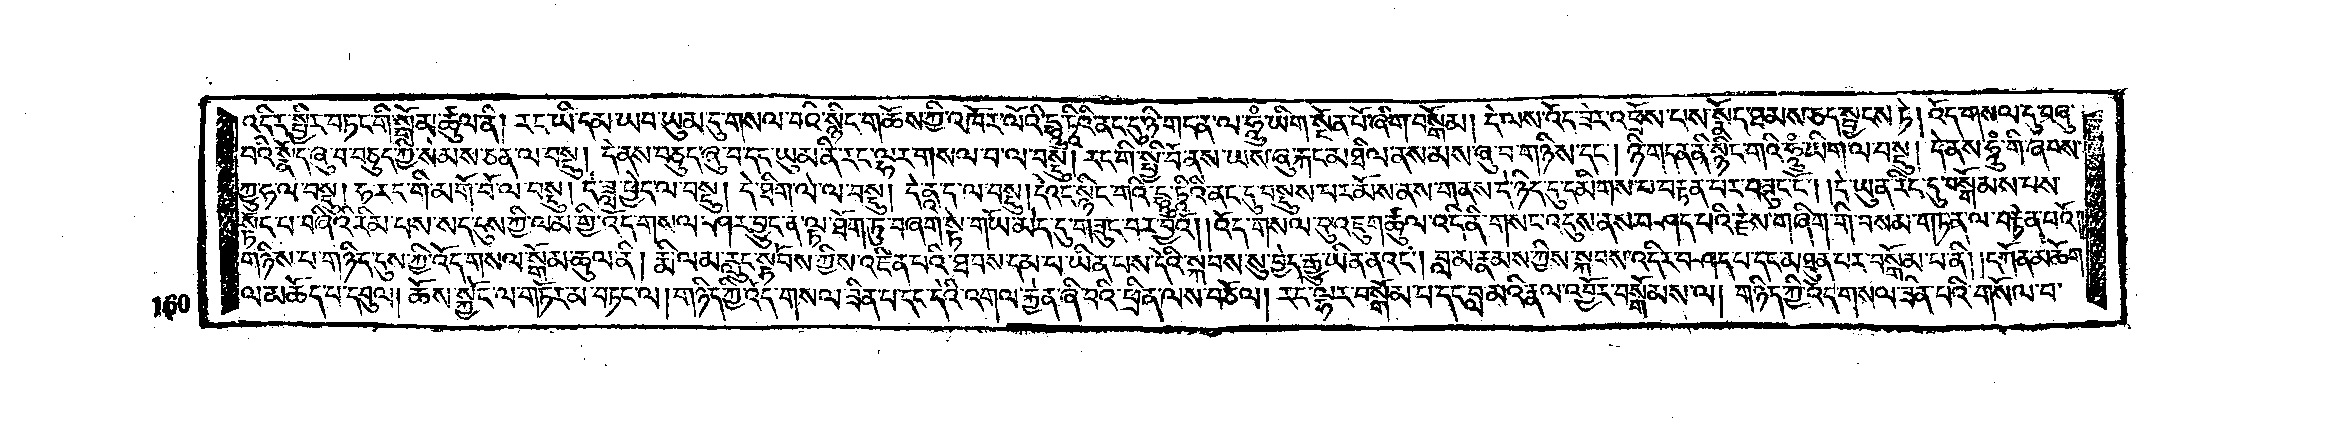འདིར་སྤྱིར་བཏང་གི་སྒོམ་ཚུལ་ནི། རང་ཡི་དམ་ཡབ་ཡུམ་དུ་གསལ་བའི་སྙིང་ག་ཆོས་ཀྱི་འཁོར་ལོའི་དྷཱུ་ཏཱིའི་ནང་དུ་ཉི་གདན་ལ་ཧཱུཾ་ཡིག་སྔོན་པོ་ཞིག་བསྒོམ། དེ་ལས་འོད་ཟེར་འཕྲོས་པས་སྣོད་ཐམས་ཅད་སྦྱངས་ཏེ། འོད་གསལ་དུ་བཞུ་
བའི་སྣོད་ཞུ་བ་བཅུད་ཀྱི་སེམས་ཅན་ལ་བསྡུ། དེ་ནས་བཅུད་ཞུ་བ་དང་ཡུམ་ནི་རང་ལྷར་གསལ་བ་ལ་བསྡུ། རང་གི་སྤྱི་བོ་ནས་ཡས་ཞུ་རྐང་མཐིལ་ནས་མས་ཞུ་བ་གཉིས་དང་། ཉི་གདན་ནི་སྙིང་གའི་ཧཱུཾ་ཡིག་ལ་བསྡུ། དེ་ནས་ཧཱུཾ་གི་ཞབ་
ཀྱུ་ཧ་ལ་བསྡུ། ཧ་རང་གི་མགོ་བོ་ལ་བསྡུ། དེ་ཟླ་ཕྱེད་ལ་བསྡུ། དེ་ཐིག་ལེ་ལ་བསྡུ། དེ་ནཱ་ད་ལ་བསྡུ། དེའང་སྙིང་གའི་དྷཱུ་ཏཱིའི་ནང་དུ་བསྡུས་པར་མོས་ནས་གནས་དེ་ཉིད་དུ་དམིགས་པ་བརྟན་པར་བཟུང་ངོ། །དེ་ཡུན་རིང་དུ་བསྒོམས་པས་
སྟོང་པ་བཞིའི་རིམ་པས་སད་དུས་ཀྱི་ལམ་གྱི་འོད་གསལ་ཤར་བྱུང་ན་ལྟ་ཐོག་ཏུ་བཞག་སྟེ་གཡོ་མེད་དུ་གཟུང་བར་བྱའོ། །འོད་གསལ་དུ་འཇུག་ཚུལ་འདི་ནི་གསང་འདུས་ནས་བཤད་པའི་རྗེས་གཞིག་གི་བསམ་གཏན་ལ་བརྟེན་པའོ། །
གཉིས་པ་གཉིད་དུས་ཀྱི་འོད་གསལ་སྒོམ་ཚུལ་ནི། རྨི་ལམ་རླུང་སྟོབས་ཀྱིས་འཛིན་པའི་ཐབས་དམ་པ་ཡིན་པས་དེའི་སྐབས་སུ་བྱེད་རྒྱུ་ཡིན་ནའང་། བླ་མ་རྣམས་ཀྱིས་སྐབས་འདིར་བཤད་པ་དང་མཐུན་པར་བསྒོམ་པ་ནི། །དཀོན་མཆོག་
ལ་མཆོད་པ་དབུལ། ཆོས་སྐྱོང་ལ་གཏོར་མ་བཏང་ལ། གཉིད་ཀྱི་འོད་གསལ་ཟིན་པ་དང་དེའི་འགལ་རྐྱེན་ཞི་བའི་ཕྲིན་ལས་བཅོལ། རང་ལྷར་བསྒོམ་པ་དང་བླ་མའི་རྣལ་འབྱོར་བསྒོམས་ལ། གཉིད་ཀྱི་འོད་གསལ་ཟིན་པའི་གསོལ་བ་